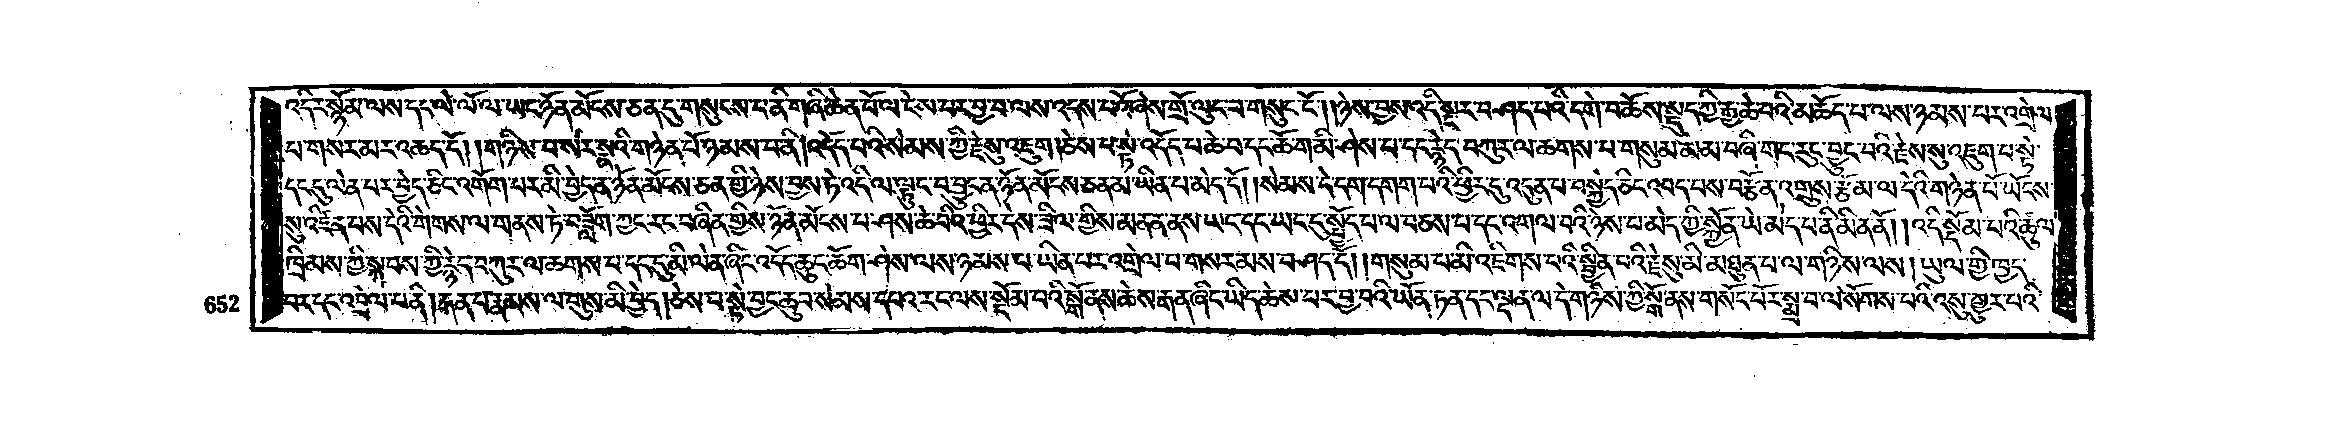འདིར་སྙོམ་ལས་དང་ལེ་ལོ་ལ་ཡང་ཉོན་མོངས་ཅན་དུ་གསུངས་པ་ནི་གཞི་ཆེན་པོ་ལ་ངེས་པར་བྱ་བ་ལས་འདས་པའོ་ཞེས་གྲོ་ལུང་བ་གསུང་ངོ། །ཉེས་བྱས་འདི་སྔར་བཤད་པའི་དགེ་བ་ཆོས་སྡུད་ཀྱི་རྒྱ་ཆེ་བའི་མཆོད་པ་ལས་ཉམས་པར་འགྲེལ་
པ་གསར་མར་འཆད་དོ། །གཉིས་པ་སེར་སྣའི་གཉེན་པོ་ཉམས་པ་ནི། འདོད་པའི་སེམས་ཀྱི་རྗེས་སུ་འཇུག །ཅེས་པ་སྟེ་འདོད་པ་ཆེ་བ་དང་ཆོ་ག་མི་ཤེས་པ་དང་རྙེད་བཀུར་ལ་ཆགས་པ་གསུམ་མམ་བཞི་གང་རུང་བྱུང་བའི་རྗེས་སུ་འཇུག་པ་སྟེ་
དང་དུ་ལེན་པར་བྱེད་ཅིང་འགོག་པར་མི་བྱེད་ན་ཉོན་མོངས་ཅན་གྱི་ཉེས་བྱས་ཏེ་འདི་ལ་ལྟུང་བ་བྱུང་ན་ཉོན་མོངས་ཅན་མ་ཡིན་པ་མེད་དོ། །སེམས་དེ་དག་དགག་པའི་ཕྱིར་དུ་འདུན་པ་བསྐྱེད་ཅིང་འབད་པས་བརྩོན་འགྲུས་རྩོམ་ལ་དེའི་གཉེན་པོ་ཡོངས་
སུ་འཛིན་པས་དེའི་གེགས་ལ་གནས་ཏེ་བཟློག་ཀྱང་རང་བཞིན་གྱིས་ཉོན་མོངས་པ་ཤས་ཆེ་བའི་ཕྱིར་དེས་ཟིལ་གྱིས་མ་ནན་ནས་ཡང་དང་ཡང་དུ་སྤྱོད་པ་ལ་བཅས་པ་དང་འགལ་བའི་ཉེས་པ་མེད་ཀྱི་སྐྱོན་ཡེ་མེད་པ་ནི་མིན་ནོ། །འདི་སྡོམ་པའི་ཚུལ་
ཁྲིམས་ཀྱི་སྐབས་ཀྱི་རྙེད་བཀུར་ལ་ཆགས་པ་དང་དུ་མི་ལེན་ཞིང་འདོད་ཆུང་ཆོག་ཤེས་ལས་ཉམས་པ་ཡིན་པར་འགྲེལ་པ་གསར་མས་བཤད་དོ། །གསུམ་པ་མི་འཇིགས་པའི་སྦྱིན་པའི་རྗེས་སུ་མི་མཐུན་པ་ལ་གཉིས་ལས། ཡུལ་གྱི་ཁྱད་
པར་དང་འབྲེལ་པ་ནི། རྒན་པ་རྣམས་ལ་གུས་མི་བྱེད། ཅེས་པ་སྟེ་བྱང་ཆུབ་སེམས་དཔའ་རང་ལས་སྡོམ་པའི་སྒོ་ནས་ཆེས་རྒན་ཞིང་ཡིད་ཆེས་པར་བྱ་བའི་ཡོན་ཏན་དང་ལྡན་ལ་དེ་གཉིས་ཀྱི་སྒོ་ནས་གསོང་པོར་སྨྲ་བ་ལ་སོགས་པའི་འྶུ་གྱུར་པའི་